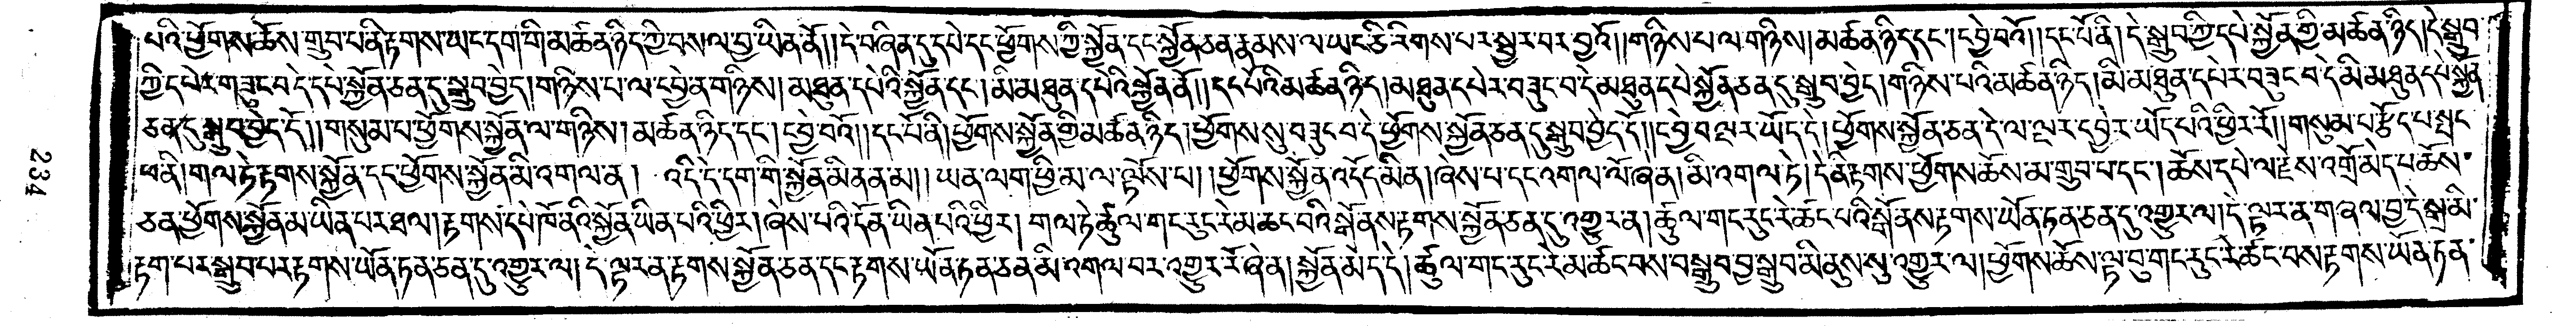པའི་ཕྱོགས་ཆོས་གྲུབ་པ་ནི་རྟགས་ཡང་དག་གི་མཚན་ཉིད་ཀྱི་བསལ་བྱ་ཡིན་ནོ། །དེ་བཞིན་དུ་དཔེ་དང་ཕྱོགས་ཀྱི་སྐྱོན་དང་སྐྱོན་ཅན་རྣམས་ལ་ཡང་ཅི་རིགས་པར་སྦྱར་བར་བྱའོ། །གཉིས་པ་ལ་གཉིས། མཚན་ཉིད་དང་། དབྱེ་བའོ། །དང་པོ་ནི། དེ་སྒྲུབ་ཀྱི་དཔེ་སྐྱོན་གྱི་མཚན་ཉིད། དེ་སྒྲུབ་
ཀྱི་དཔེར་གཟུང་བ་དེ་དཔེ་སྐྱོན་ཅན་དུ་སྒྲུབ་བྱེད། གཉིས་པ་ལ་དབྱེ་ན་གཉིས། མཐུན་དཔེའི་སྐྱོན་དང་། མི་མཐུན་དཔེའི་སྐྱོན་ནོ། །དང་པོའི་མཚན་ཉིད། མཐུན་དཔེར་བཟུང་བ་དེ་མཐུན་དཔེ་སྐྱོན་ཅན་དུ་སྒྲུབ་བྱེད། གཉིས་པའི་མཚན་ཉིད། མི་མཐུན་དཔེར་བཟུང་བ་དེ་མི་མཐུན་དཔེ་སྐྱོན་
ཅན་དུ་སྒྲུབ་བྱེད་དོ། །གསུམ་པ་ཕྱོགས་སྐྱོན་ལ་གཉིས། མཚན་ཉིད་དང་། དབྱེ་བའོ། །དང་པོ་ནི། ཕྱོགས་སྐྱོན་གྱི་མཚན་ཉིད། ཕྱོགས་སུ་བཟུང་བ་དེ་ཕྱོགས་སྐྱོན་ཅན་དུ་སྒྲུབ་བྱེད་དོ། །དབྱེ་བ་ལྔར་ཡོད་དེ། ཕྱོགས་སྐྱོན་ཅན་དེ་ལ་ལྔར་དབྱེར་ཡོད་པའི་ཕྱིར་རོ། །གསུམ་པ་རྩོད་པ་སྤོང་
པ་ནི། གལ་ཏེ་རྟགས་སྐྱོན་དང་ཕྱོགས་སྐྱོན་མི་འགལ་ན། འདི་དེ་དག་གི་སྐྱོན་མིན་ནམ། །ཡན་ལག་ཕྱི་མ་ལ་ལྟོས་པ། །ཕྱོགས་སྐྱོན་འདོད་མིན། ཞེས་པ་དང་འགལ་ལོ་ཞེ་ན། མི་འགལ་ཏེ། དེ་ནི་རྟགས་ཕྱོགས་ཆོས་མ་གྲུབ་པ་དང་། ཆོས་དཔེ་ལ་རྗེས་འགྲོ་མེད་པ་ཆོས་
ཅན༑ ཕྱོགས་སྐྱོན་མ་ཡིན་པར་ཐལ། རྟགས་དཔེ་ཁ་ནའི་སྐྱོན་ཡིན་པའི་ཕྱིར། ཞེས་པའི་དོན་ཡིན་པའི་ཕྱིར། གལ་ཏེ་ཚུལ་གང་རུང་རེ་མ་ཆང་བའི་སྒོ་ནས་རྟགས་སྐྱོན་ཅན་དུ་འགྱུར་ན། ཚུལ་གང་རུང་རེ་ཚང་བའི་སྒོ་ནས་རྟགས་ཡོན་ཏན་ཅན་དུ་འགྱུར་ལ། དེ་ལྟར་ན་གཞལ་བྱ་དེ་སྒྲ་མི་
རྟག་པར་སྒྲུབ་པའི་རྟགས་ཡོན་ཏན་ཅན་དུ་འགྱུར་ལ། དེ་ལྟར་ན་རྟགས་སྐྱོན་ཅན་དང་རྟགས་ཡོན་ཏན་ཅན་མི་འགལ་བར་འགྱུར་རོ་ཞེ་ན། སྐྱོན་མེད་དེ། ཚུལ་གང་རུང་རེ་མ་ཚང་བས་བསྒྲུབ་བྱ་སྒྲུབ་མི་ནུས་སུ་འགྱུར་ལ། ཕྱོགས་ཆོས་ལྟ་བུ་གང་རུང་རེ་ཚང་བས་རྟགས་ཡོན་ཏན་